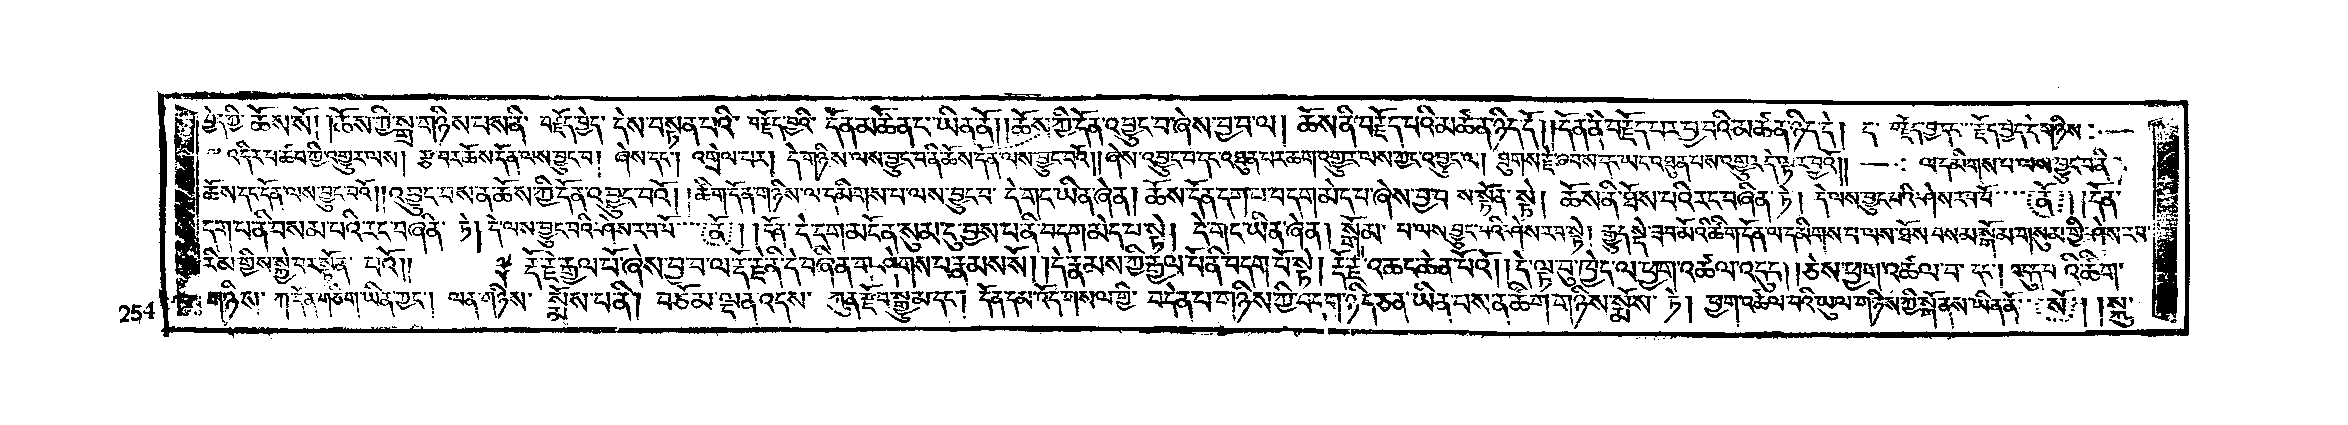བྱེད་ཀྱི་ཆོས་སོ། །ཆོས་ཀྱི་སྒྲ་གཉིས་པས་ནི། བརྗོད་བྱེད་དེས་བསྟན་པའི་བརྗོད་བྱའི་དོན་མཚོན་པ་ཡིན་ནོ། །ཆོས་ཀྱི་དོན་འབྱུང་བ་ཞེས་བྱ་བ་ལ། ཆོས་ནི་བརྗོད་པའི་མཚན་ཉིད་དོ། །དོན་ནི་བརྗོད་པར་བྱ་བའི་མཚན་ཉིད་དེ། དེ་བརྗོད་བྱ་དང་རྗོད་བྱེད་དེ་གཉིས་
༧འདིར་པ་ཚབ་ཀྱི་འགྱུར་ལས། རྩ་བར་ཆོས་དོན་ལས་བྱུང་བ། ཞེས་དང་། འགྲེལ་པར། དེ་གཉིས་ལས་བྱུང་བ་ནི་ཆོས་དོན་ལས་བྱུང་བའོ། །ཞེས་འབྱུང་བ་དང་འཐུན་པར་ཆག་འགྱུར་ལས་ཀྱང་འབྱུང་ལ། ཐུགས་རྗེ་ཞབས་དང་ཡང་འཐུན་པས་འགྱུར་དེ་ལྟར་བྱའོ།། ལ་དམིགས་པ་ལས་བྱུང་བ་ནི།
ཆོས་དང་དོན་ལས་བྱུང་བའོ། །འབྱུང་བས་ན་ཆོས་ཀྱི་དོན་འབྱུང་བའོ། ། ཚིག་དོན་གཉིས་ལ་དམིགས་པ་ལས་བྱུང་བ་དེ་གང་ཡིན་ཞེ་ན། ཆོས་དོན་དག་པ་བདག་མེད་པ་ཞེས་བྱ་བ་ས་སྟོན་སྟེ། ཆོས་ནི་ཐོས་པའི་རང་བཞིན་ཏེ། དེ་ལས་བྱུང་བའི་ཤེས་རབ་བོ་ནོ། །དོན་
དག་པ་ནི་བསམ་པའི་རང་བཞིན་ཏེ། དེ་ལས་བྱུང་བའི་ཤེས་རབ་པོ་ནོ། ། དོན་དེ་དག་མངོན་སུམ་དུ་བྱས་པ་ནི་བདག་མེད་པ་སྟེ། དེ་གང་ཡིན་ཞེ་ན། སྒོམ་པ་ལས་བྱུང་བའི་ཤེས་རབ་སྟེ། རྒྱུད་སྡེ་ཟབ་མོའི་ཚིག་དོན་ལ་དམིགས་པ་ལས་ཐོས་བསམ་སྒོམ་གསུམ་གྱི་ཤེས་རབ་
རིམ་གྱིས་སྐྱེ་བར་སྟོན་པའོ།། ༈ རྡོ་རྗེ་རྒྱལ་པོ་ཞེས་བྱ་བ་ལ་རྡོ་རྗེ་ནི་དེ་བཞིན་གཤེགས་པ་རྣམས་སོ། །དེ་རྣམས་ཀྱི་རྒྱལ་པོ་ནི་བདག་པོ་སྟེ། རྡོ་རྗེ་འཆང་ཆེན་པོའོ། །དེ་ལྟ་བུ་ཁྱེད་ལ་ཕྱག་འཚལ་འདུད། །ཅེས་ཕྱག་འཚལ་བ་དང་། འདུད་པའི་ཚིག་
གཉིས་ཀ་དོན་གཅིག་ཡིན་ཀྱང་། ལན་གཉིས་སྨོས་པ་ནི། བཅོམ་ལྡན་འདས་ཀུན་རྫོབ་སྒྱུ་མ་དང་། དོན་དམ་འོད་གསལ་གྱི་བདེན་པ་གཉིས་ཀྱི་བདག་ཉིད་ཅན་ཡིན་པས་ན་ཚིག་གཉིས་སྨོས་ཏེ། ཕྱག་འཚལ་བའི་ཡུལ་གཉིས་ཀྱི་སྒོ་ནས་ཡིན་ནོ་སོ། །སྐུ་